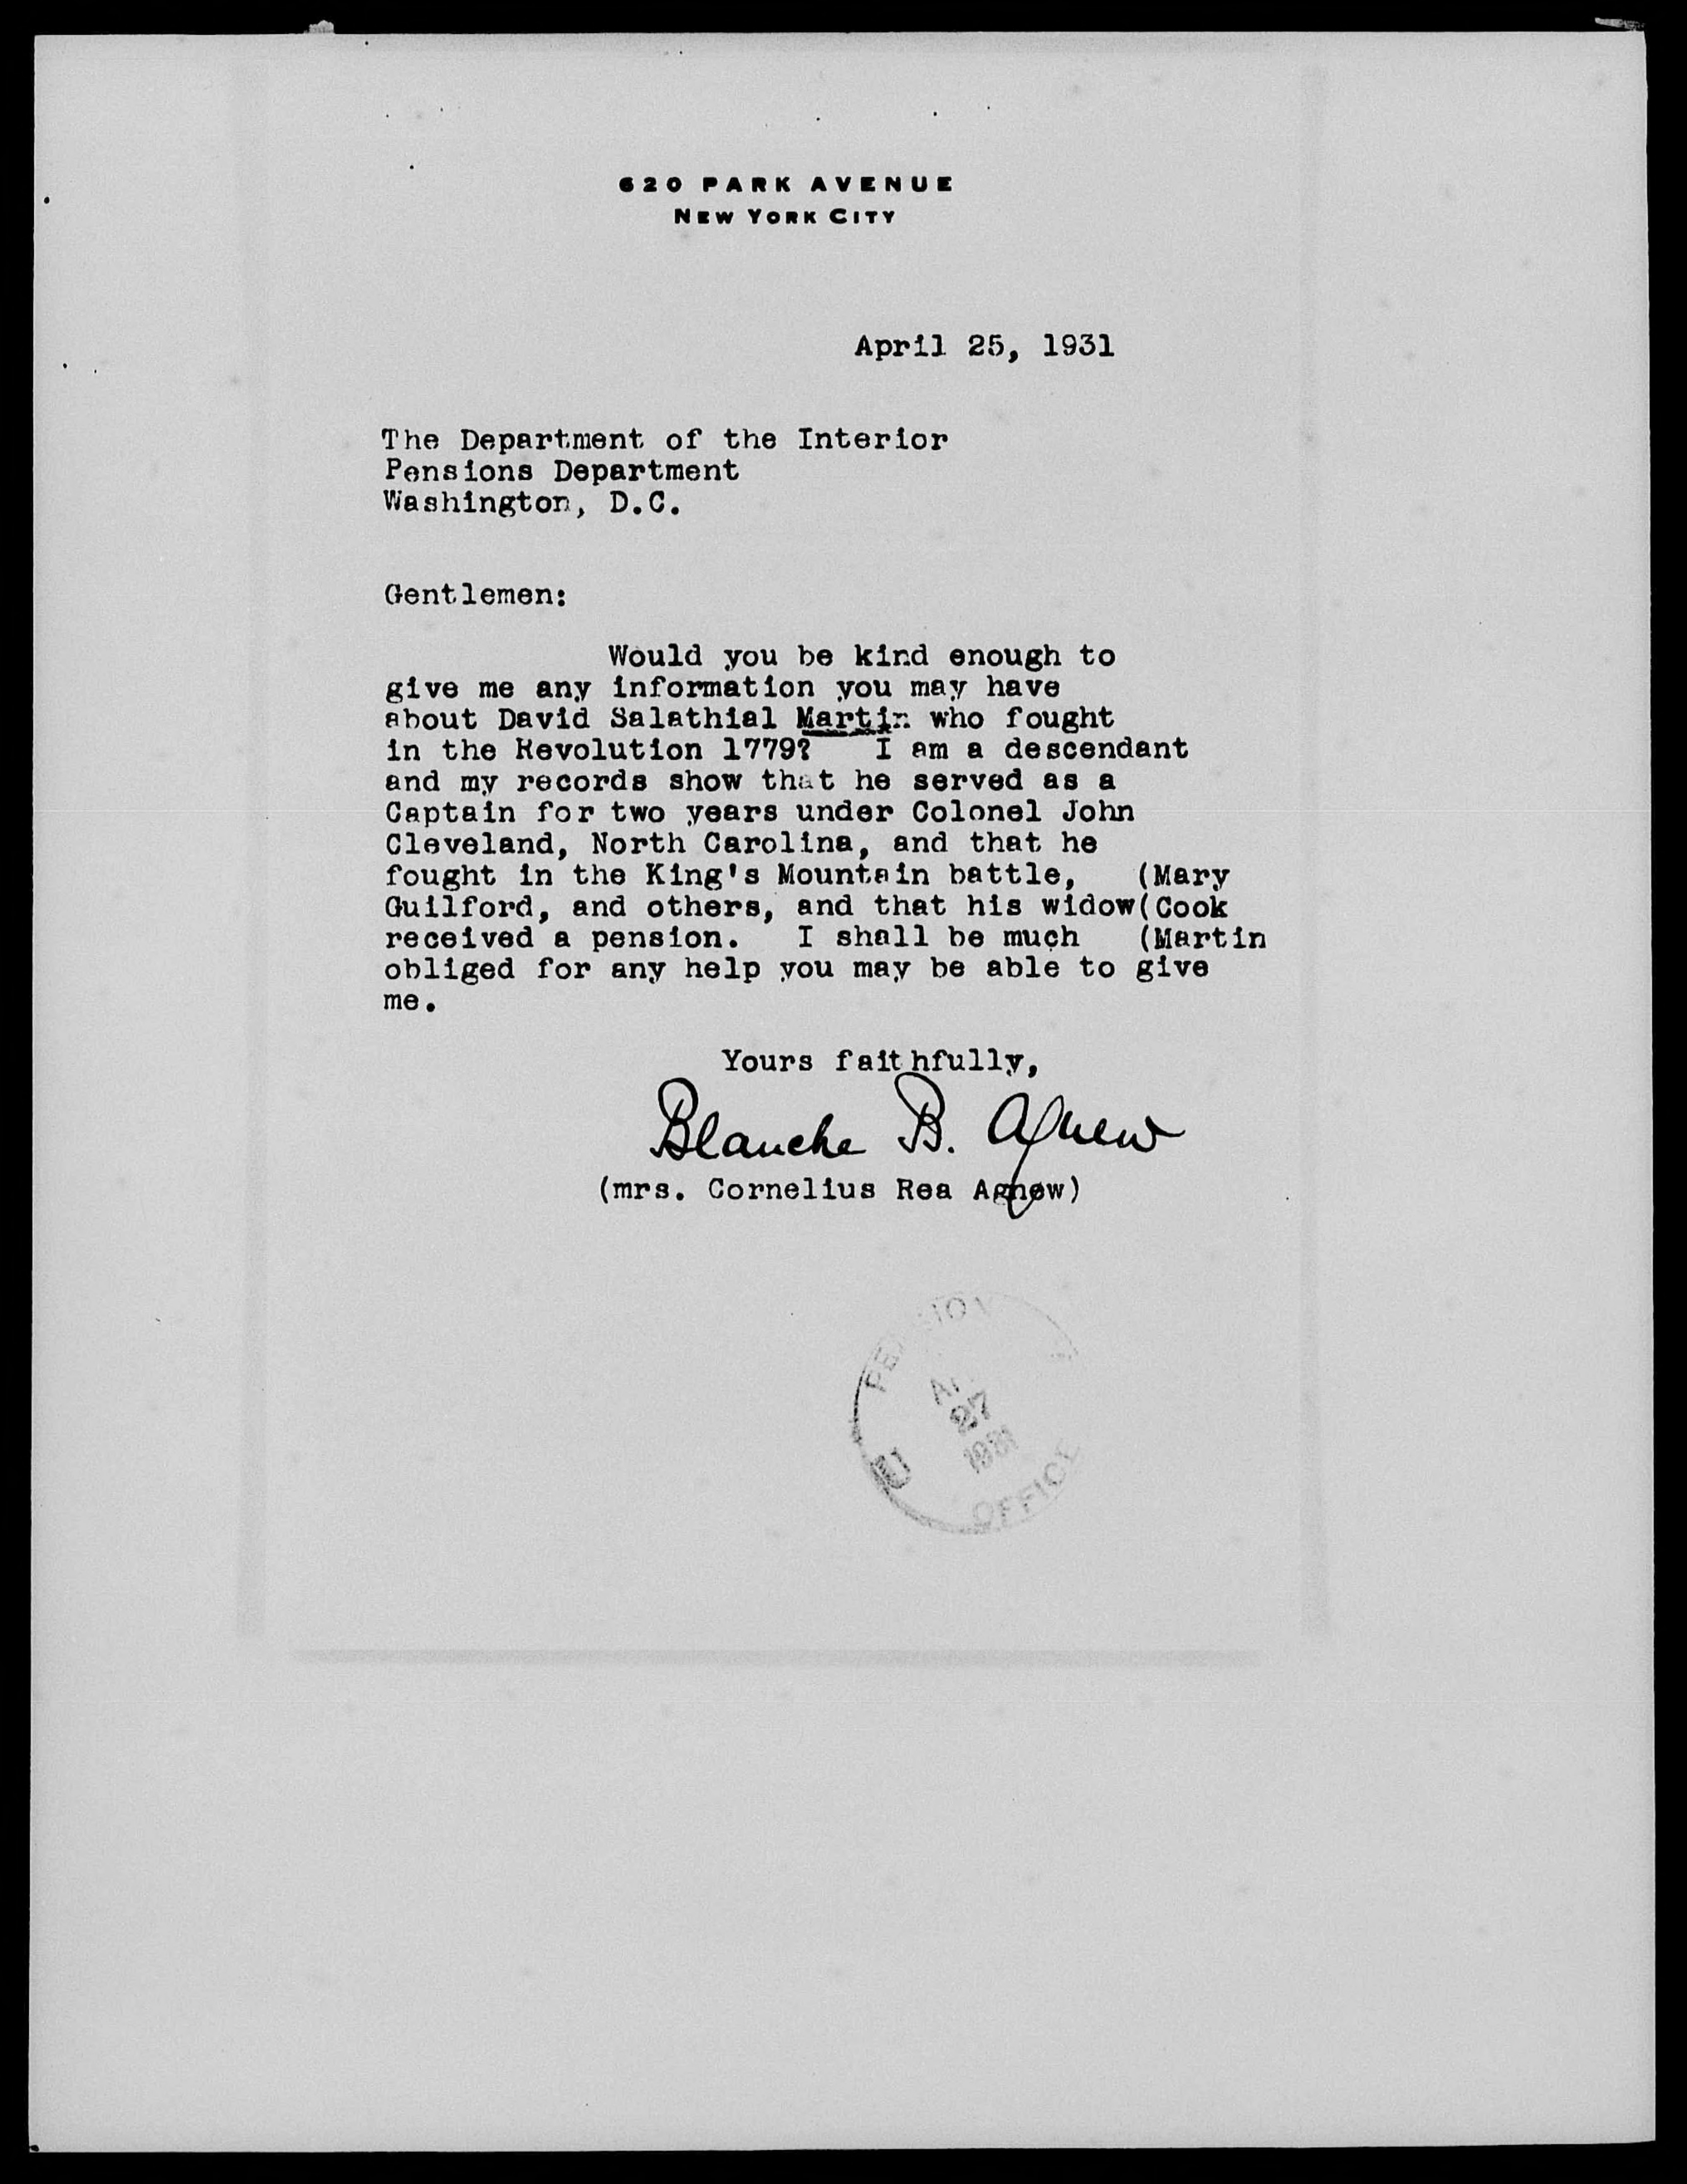620 PARK AVENUE 
NEW YORK CITY 
 
April 25, 1931 

The Department of the Interior 
Pensions Department 
Washington, D.C. 

Gentlemen: 
Would you be kind enough to 
give me any information you may have 
about David Salathial Martin who fought 
in the Revolution 1779?  I am a descendant and my records show that he served as a Captain for two years under Colonel John Cleveland, North Carolina, and that he fought in the King's Mountain battle, 
Guilford, and others, and that his widow [(Mary Cook Martin) added in margin] 
received a pension. I shall be much 
obliged for any help you may be able to give me. 
Yours faithfully, 
Blanche R. Agnew [signature] 
(mrs. Cornelius Rea Agnew) 

[date stamp] 
PENSION 
Ap
U 27 S 
1931
OFFICE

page: 30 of 120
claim: widow's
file: W. 1044, for Salathiel Martin, North Carolina